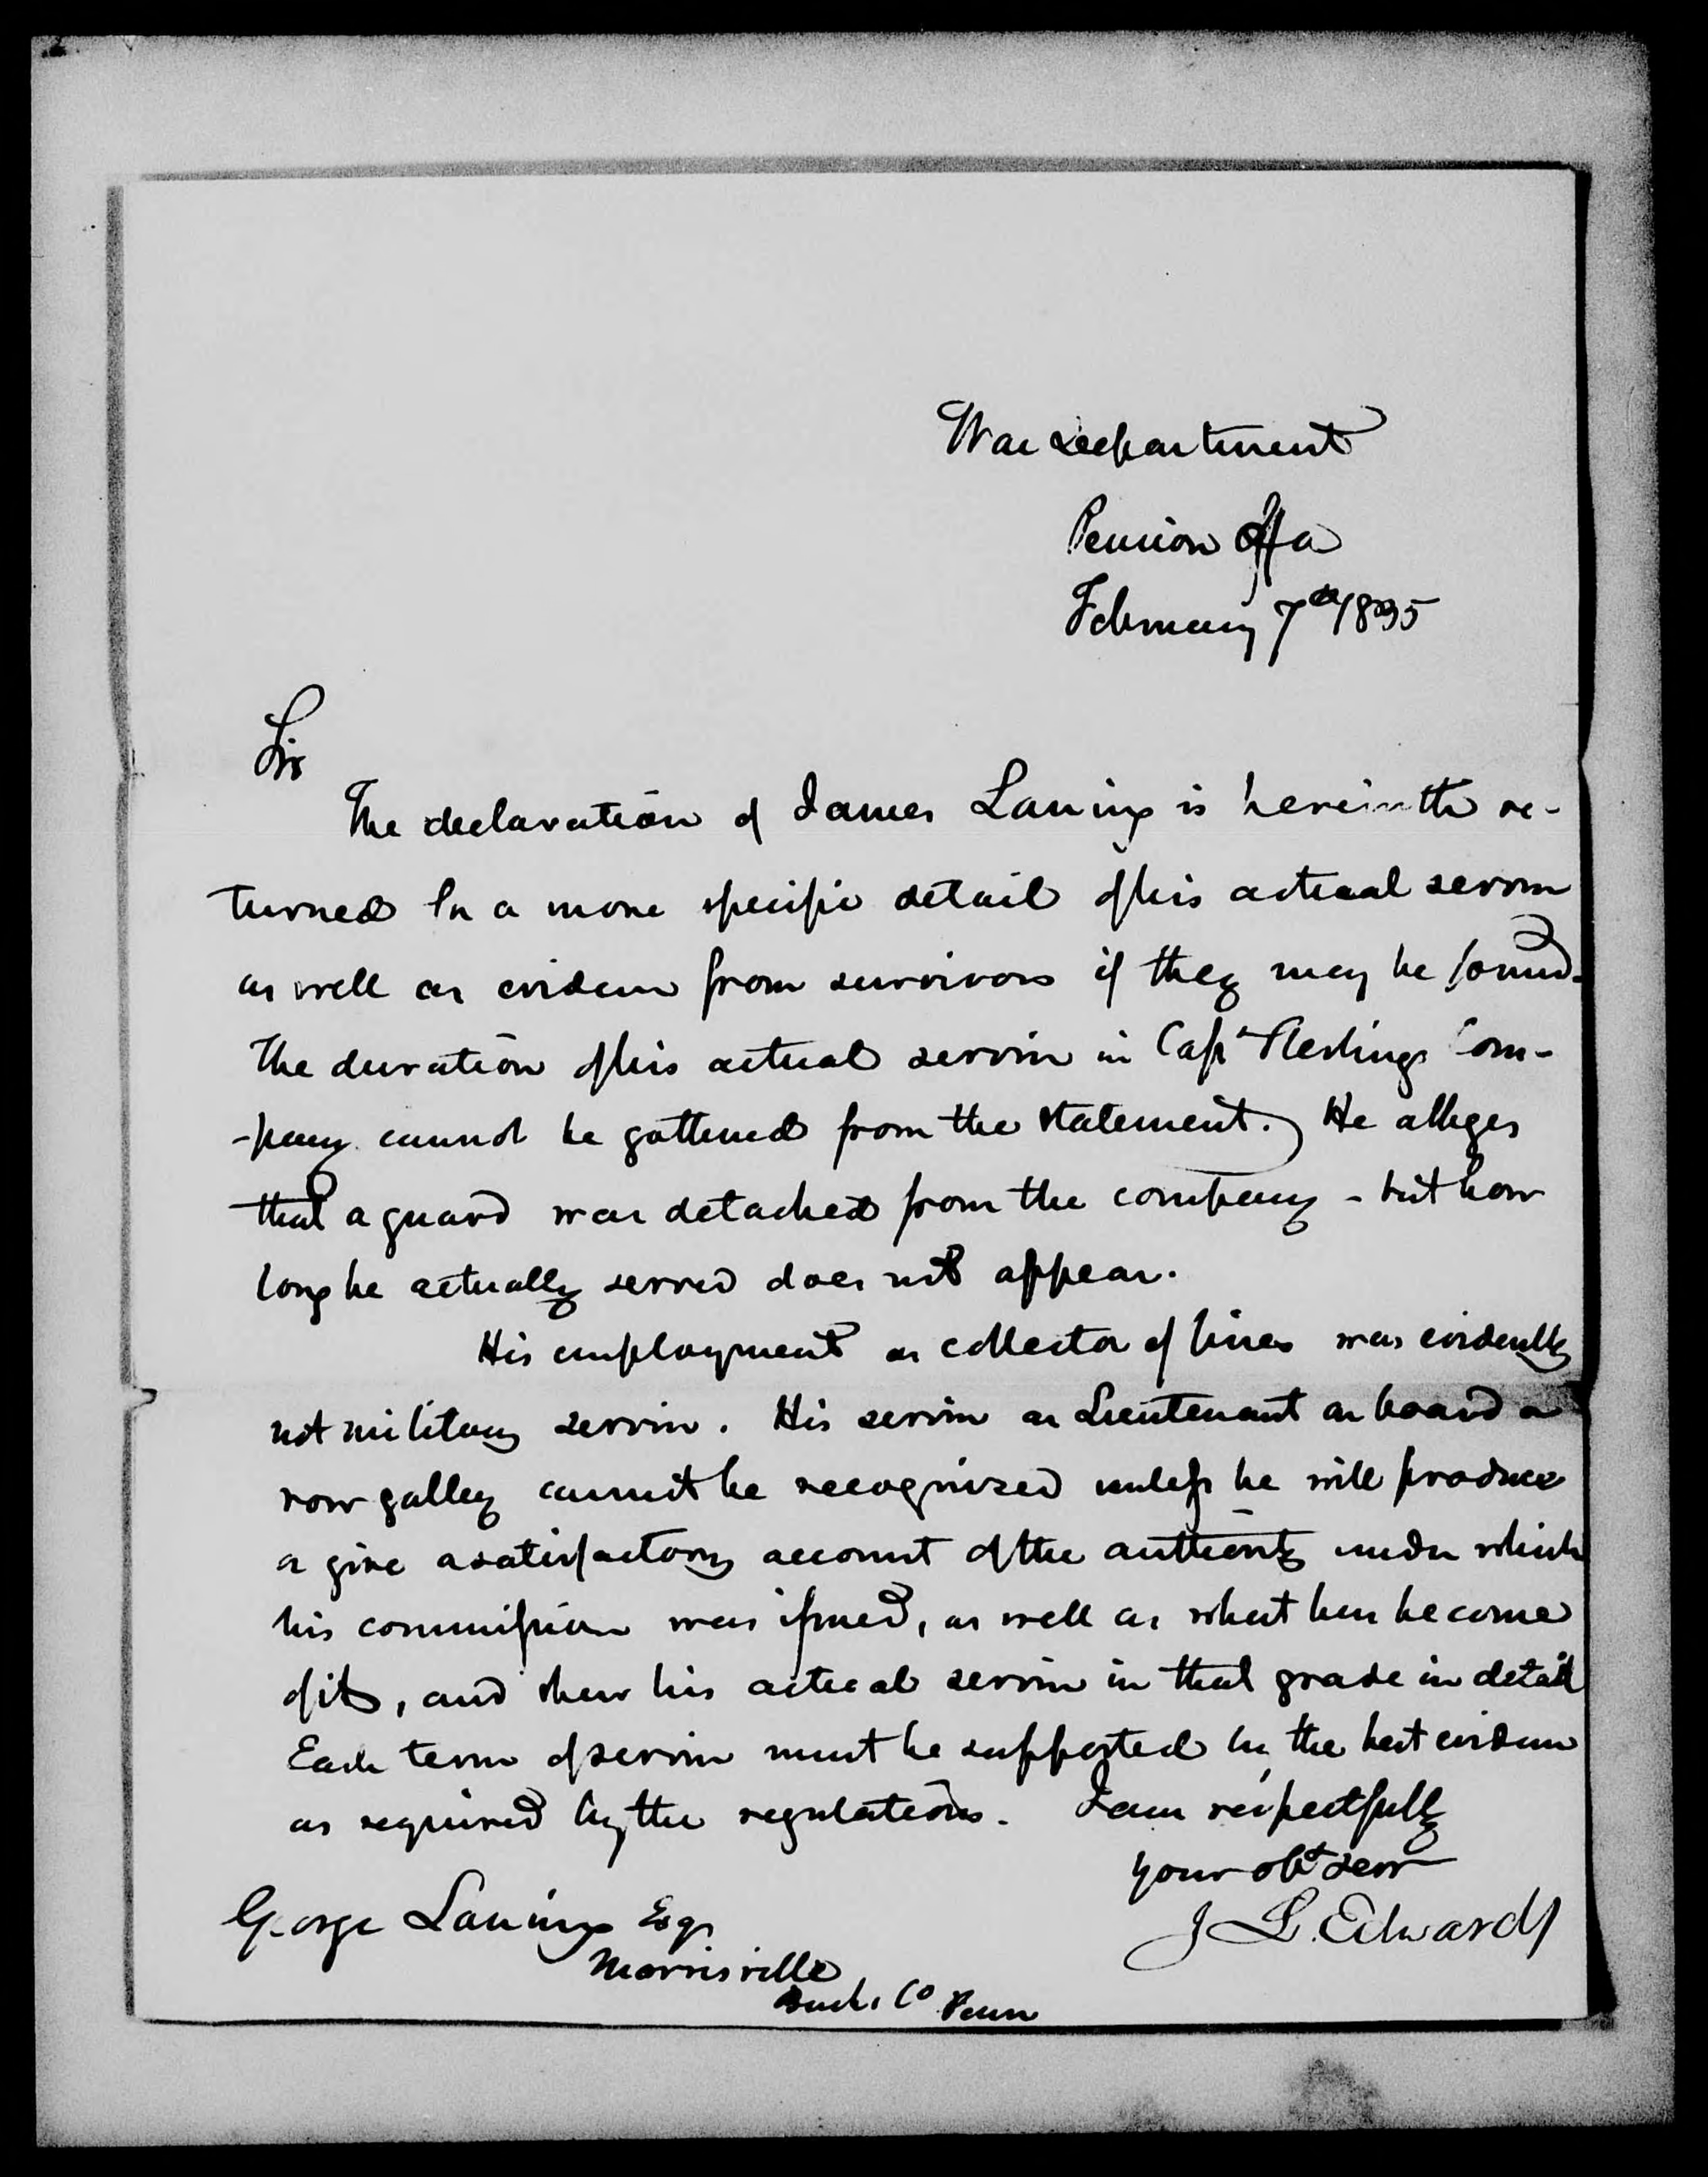War Department
Pension office
February 7th 1835

Sir

The declaration of James Laning is herewith returned in a more specific detail of his actual service as well as evidence from survivors if they may be found.

The duration of his actual service in Capt. Sterlings Company cannot be gathered from the statement. He alleges that a guard was detached from the company, but how long he actually served does not appear.

His employment as collector of fines was evidently not military service. His service as Lieutenant on board a row galley cannot be recognized unless he will produce or give a satisfactory account of the authority under which his commission was issued, as well as what has become of it, and then his actual service in that grade in detail.
Each term of service must be supported in the best evidence as required by the regulations. 

I am respectfully
your obt. serv
J L. Edwards

George Laning Esqr.
Morrisville
Bucks Co Penn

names: J L Edwards; James Laning; George Laning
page: 30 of 39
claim: rejected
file: R. 6154, for James Laning, New Jersey